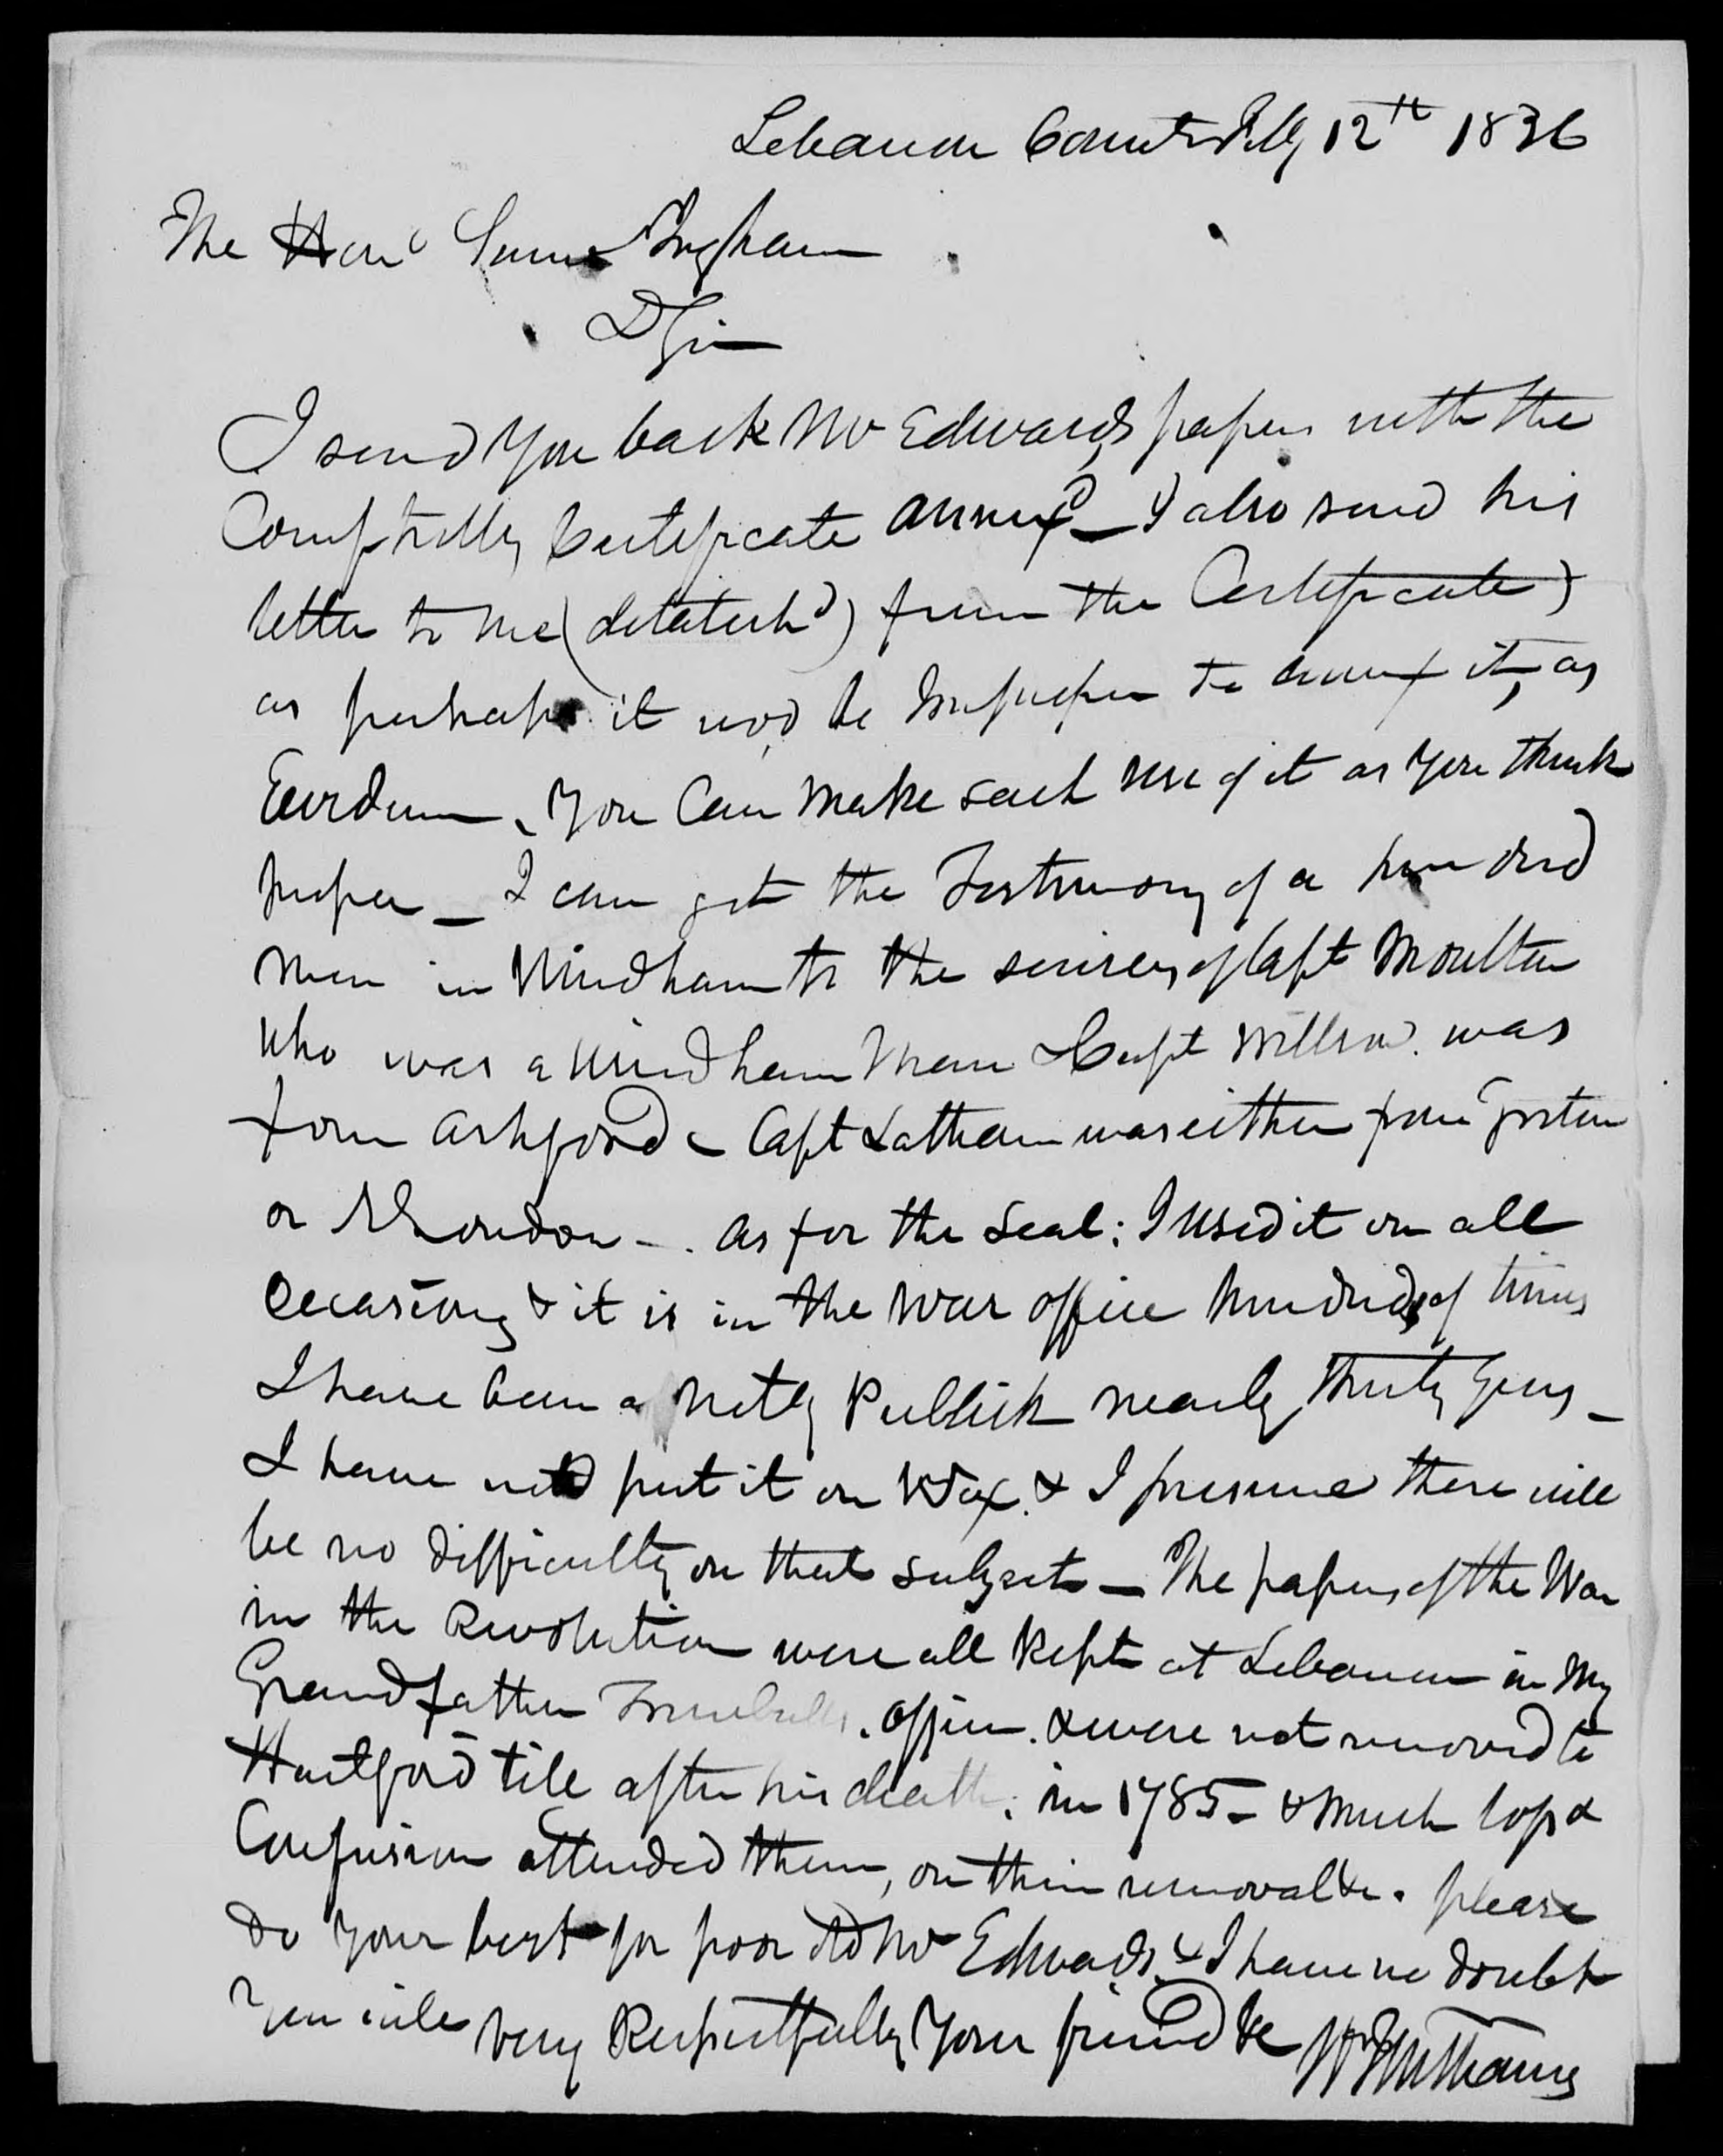Lebanon County July 12th 1836
The Honorable Samuel Ingham

Dear Sir

I send you back Mr. Edwards papers with the (?) certificate annexed. I also saw his letter to me (detached from the certificate) as perhaps it would be improper to annex it, as [illegible]. You can make such use of it as you think proper. I can get the testimony of a (?) and men in Windham to the services of Capt. Moulton who was at Windham when Capt. Wilson was [illegible]. Capt. Lathem was either from Gorton or New London. As for the seal: I used it on all occasions & it is in the War Office  hundreds of times I have been a notary public nearly thirty years. I have not put it on wax & I presume there will be no difficulty on that subject. The papers of the War in the Revolution were all kept at Lebanon in my grandfather [illegible] office & were not removed to Hartford till after his death in 1785. Much [illegible] & confusion attended them, on their removal. Please do your best in poor old Mr. Edwards & I have no doubt you will.

Very respectfully your friend,
Wm. Williams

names: Moulton, Edwards, Wm T Williams, Edwards, Willson, Saml Ingham, Latham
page: 32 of 50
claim: survivor's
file: S 10607, Jabez Edwards, Conn.